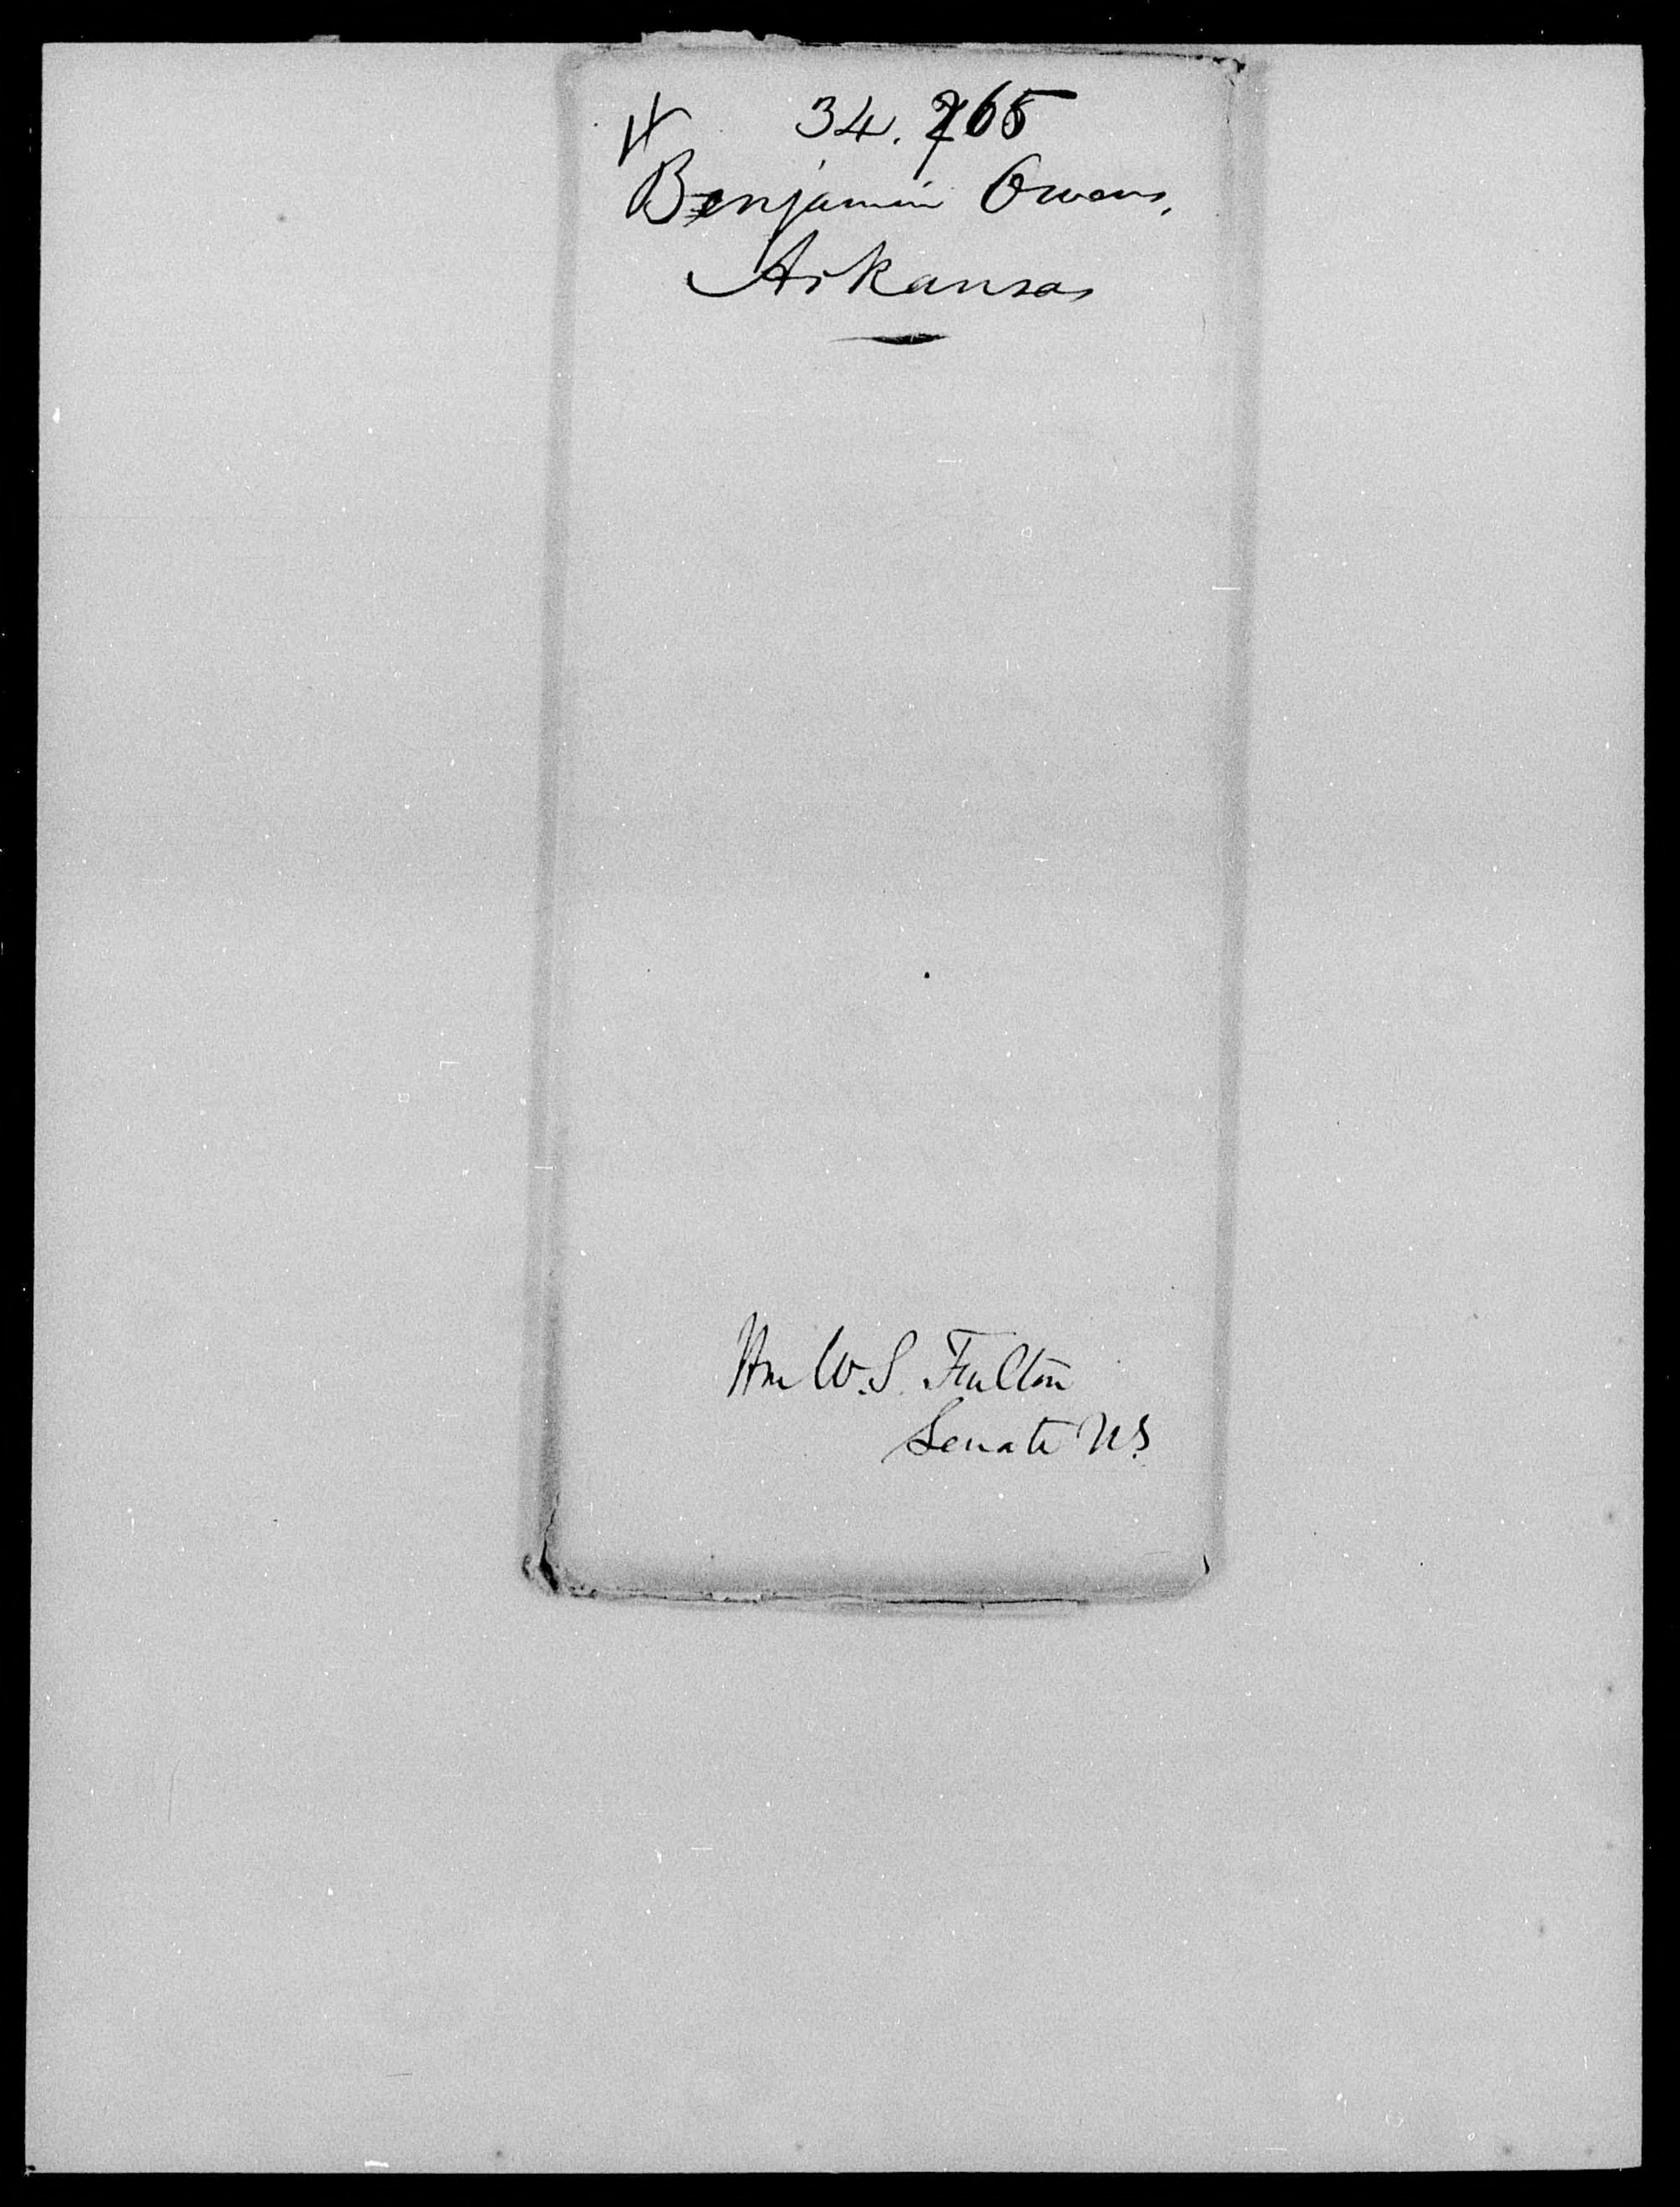4   34.265 [a "7" appears to be written over the "2"]
Benjamin Owens,
Arkansas

Hon W. S. Fulton
Senate U.S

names: Benjamin Owens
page: 2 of 28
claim: rejected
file: R. 7846, for Benjamin Owens, South Carolina